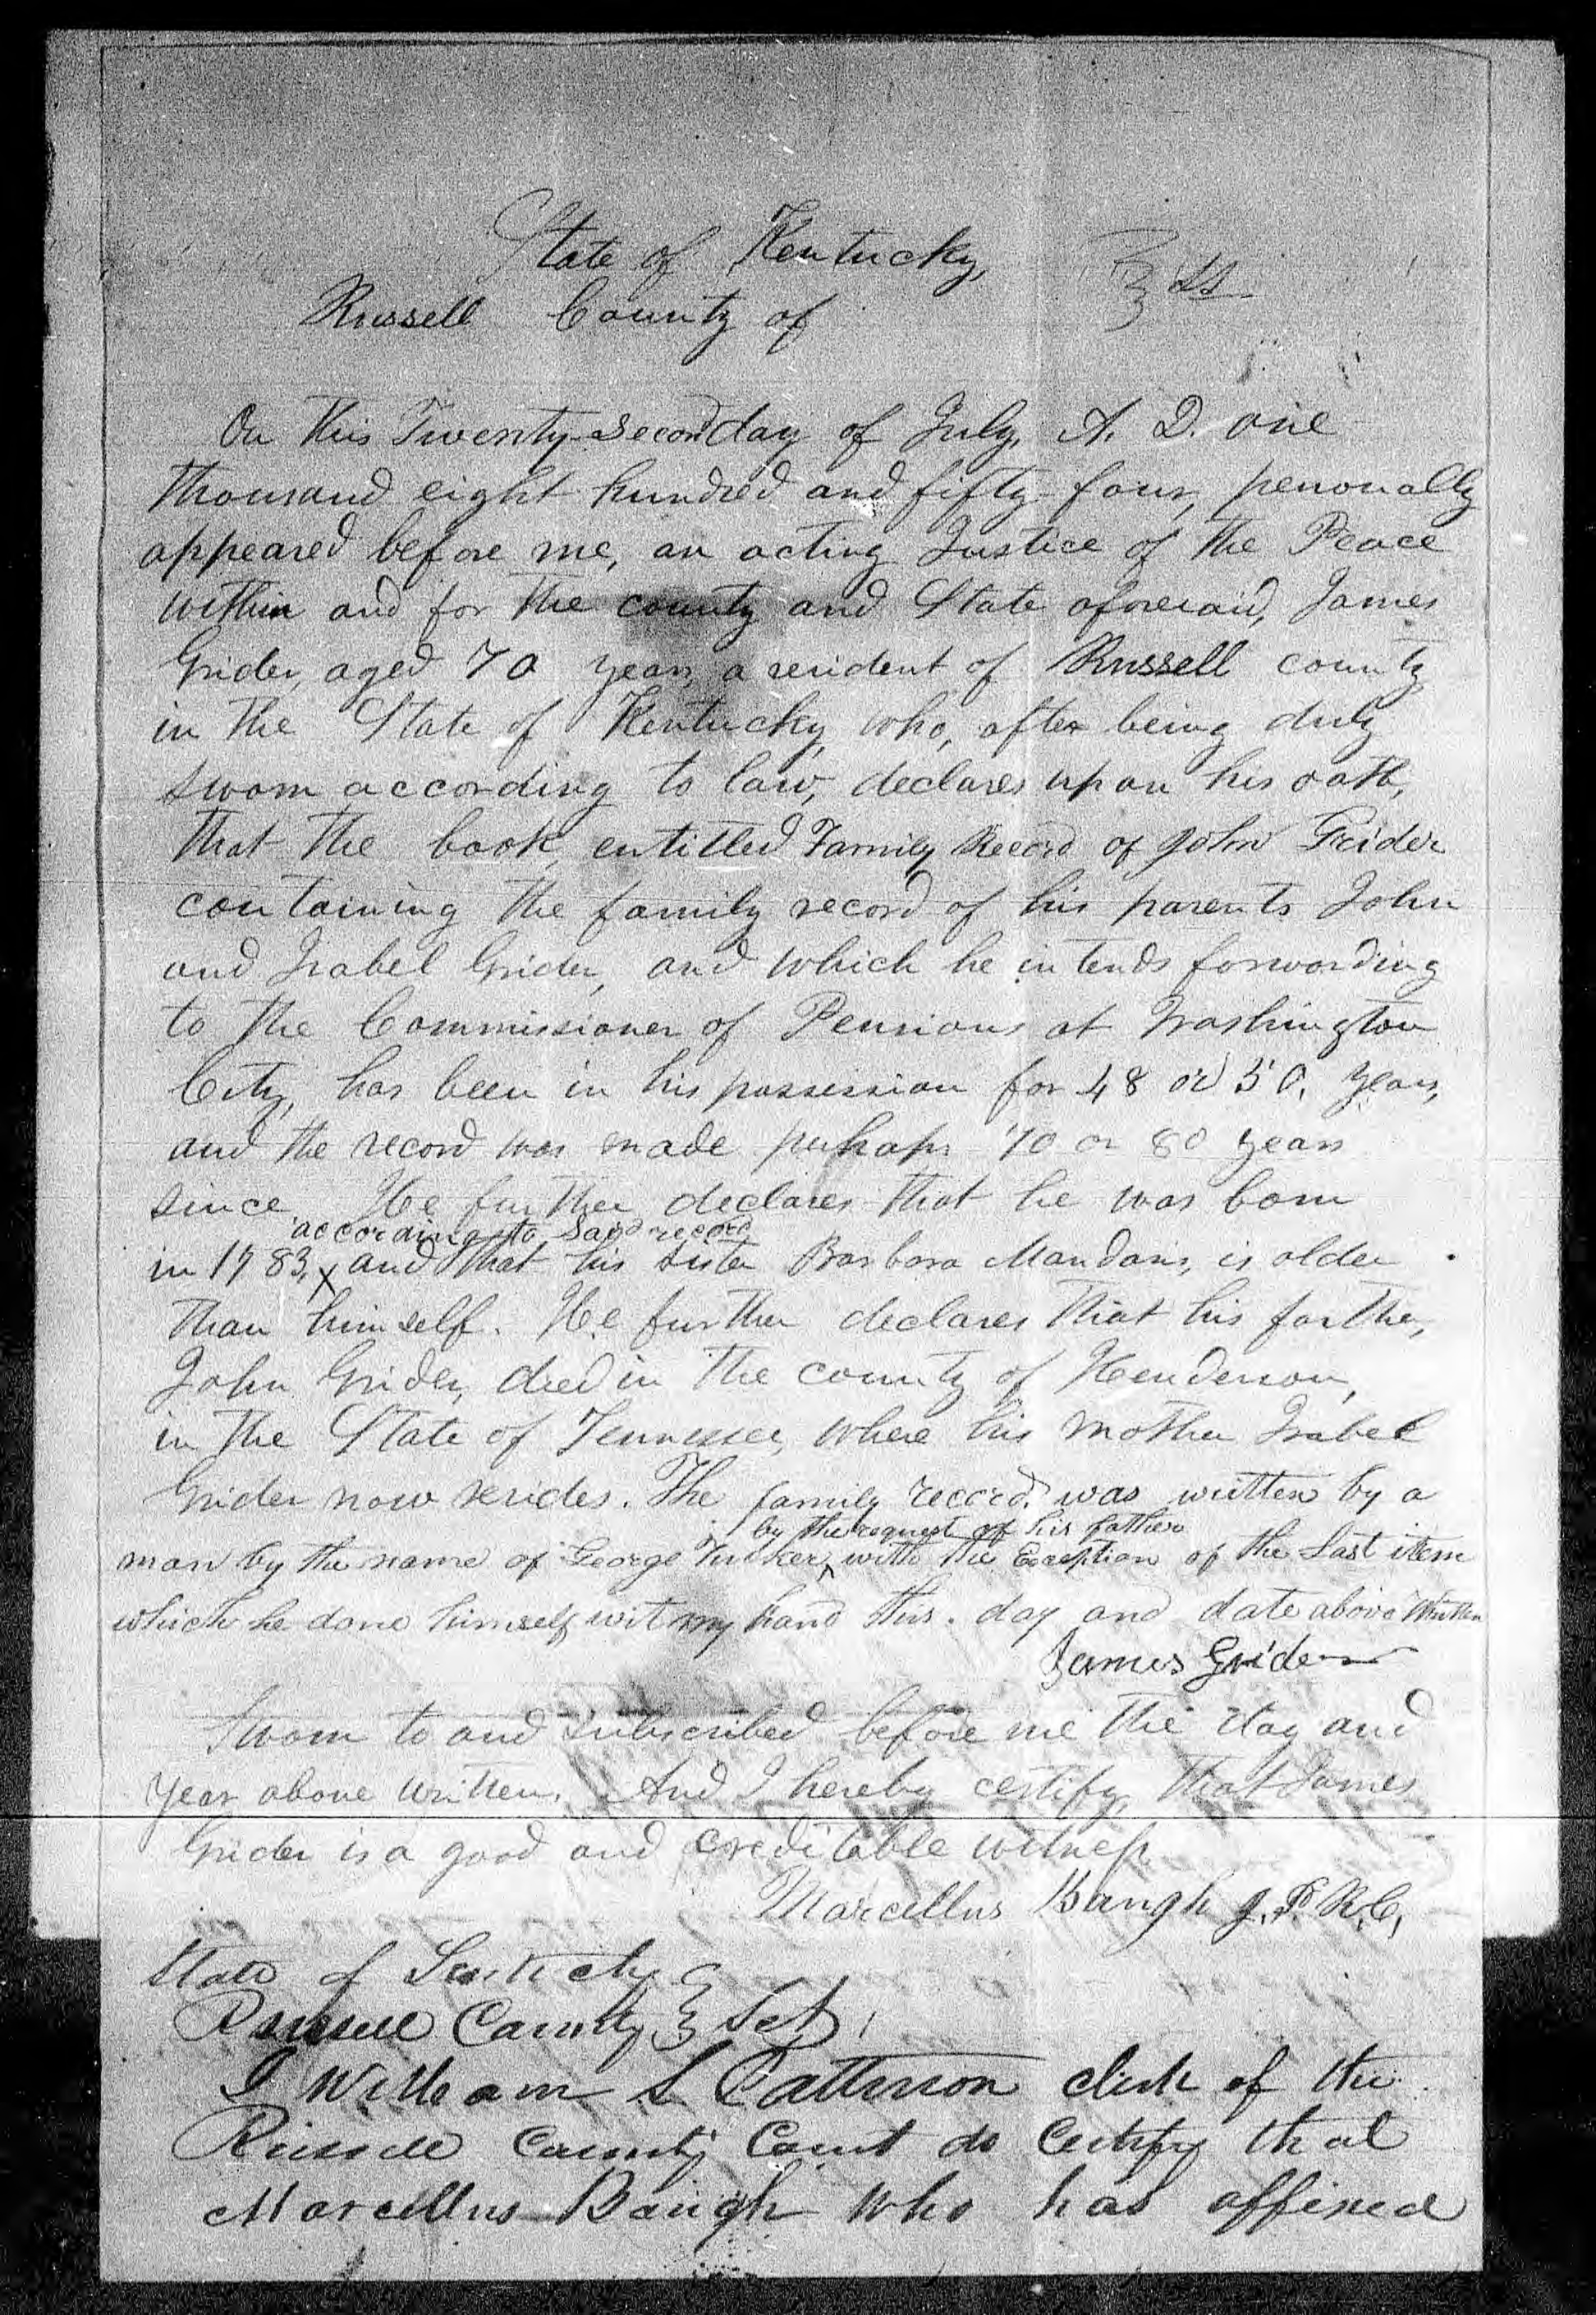State of Kentucky 
Russell Count of   } ss

On this twentieth second day of July A.D. one thousand eight hundred and fifty-four, personally appeared before me, and acting Justice of the Peace within and for the county and state aforesaid, James Grider, aged 70 years a resident of Russell county in the State of Kentucky, who after being duly sworn according to law, declares upon his oath, that the book entitled Family Record of John Grider containing the family record of his parents John and Isabel Grider, and which he intends forwarding to the Commissioner of Pensions of Washington City, has been in his possession for 48 or 50 years, and the record was made perhaps 70 or 80 years since. He futher declares that he was born in 1783 according to the said record and that his sister Barbara Mandows, is older than himself. He further declares that his father John Grider, died in the county of Henderson in the State of Tennessee, where his mother Isabel Grider now resides. The family record was written by a man by the name of George Tucker by the request of his father with the exception of the last item which he done himself wit my hand this day and date above written.  [signed] James Grider

Sworn to and subscribed before me the day and year above written. And I hereby certify that James Grider is a good and creditable witness. [signed] Marcellus Baugh PRC

State of Kentucky 
Russell County }  ss

I William S. Patterson clerk of the Russell county court do certify that Marcellus Baugh who has affixed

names: George Tucker, John Grider, Willeam L Patterson, John Grider, Barbara Mandows, John Grider, James Grider, Isabel Grider, James Grider, Marcellus Bangh, Marcellus Bangh, James Grider, Isabel Grider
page: 59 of 91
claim: widow's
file: W 358, John Grider, N.C.